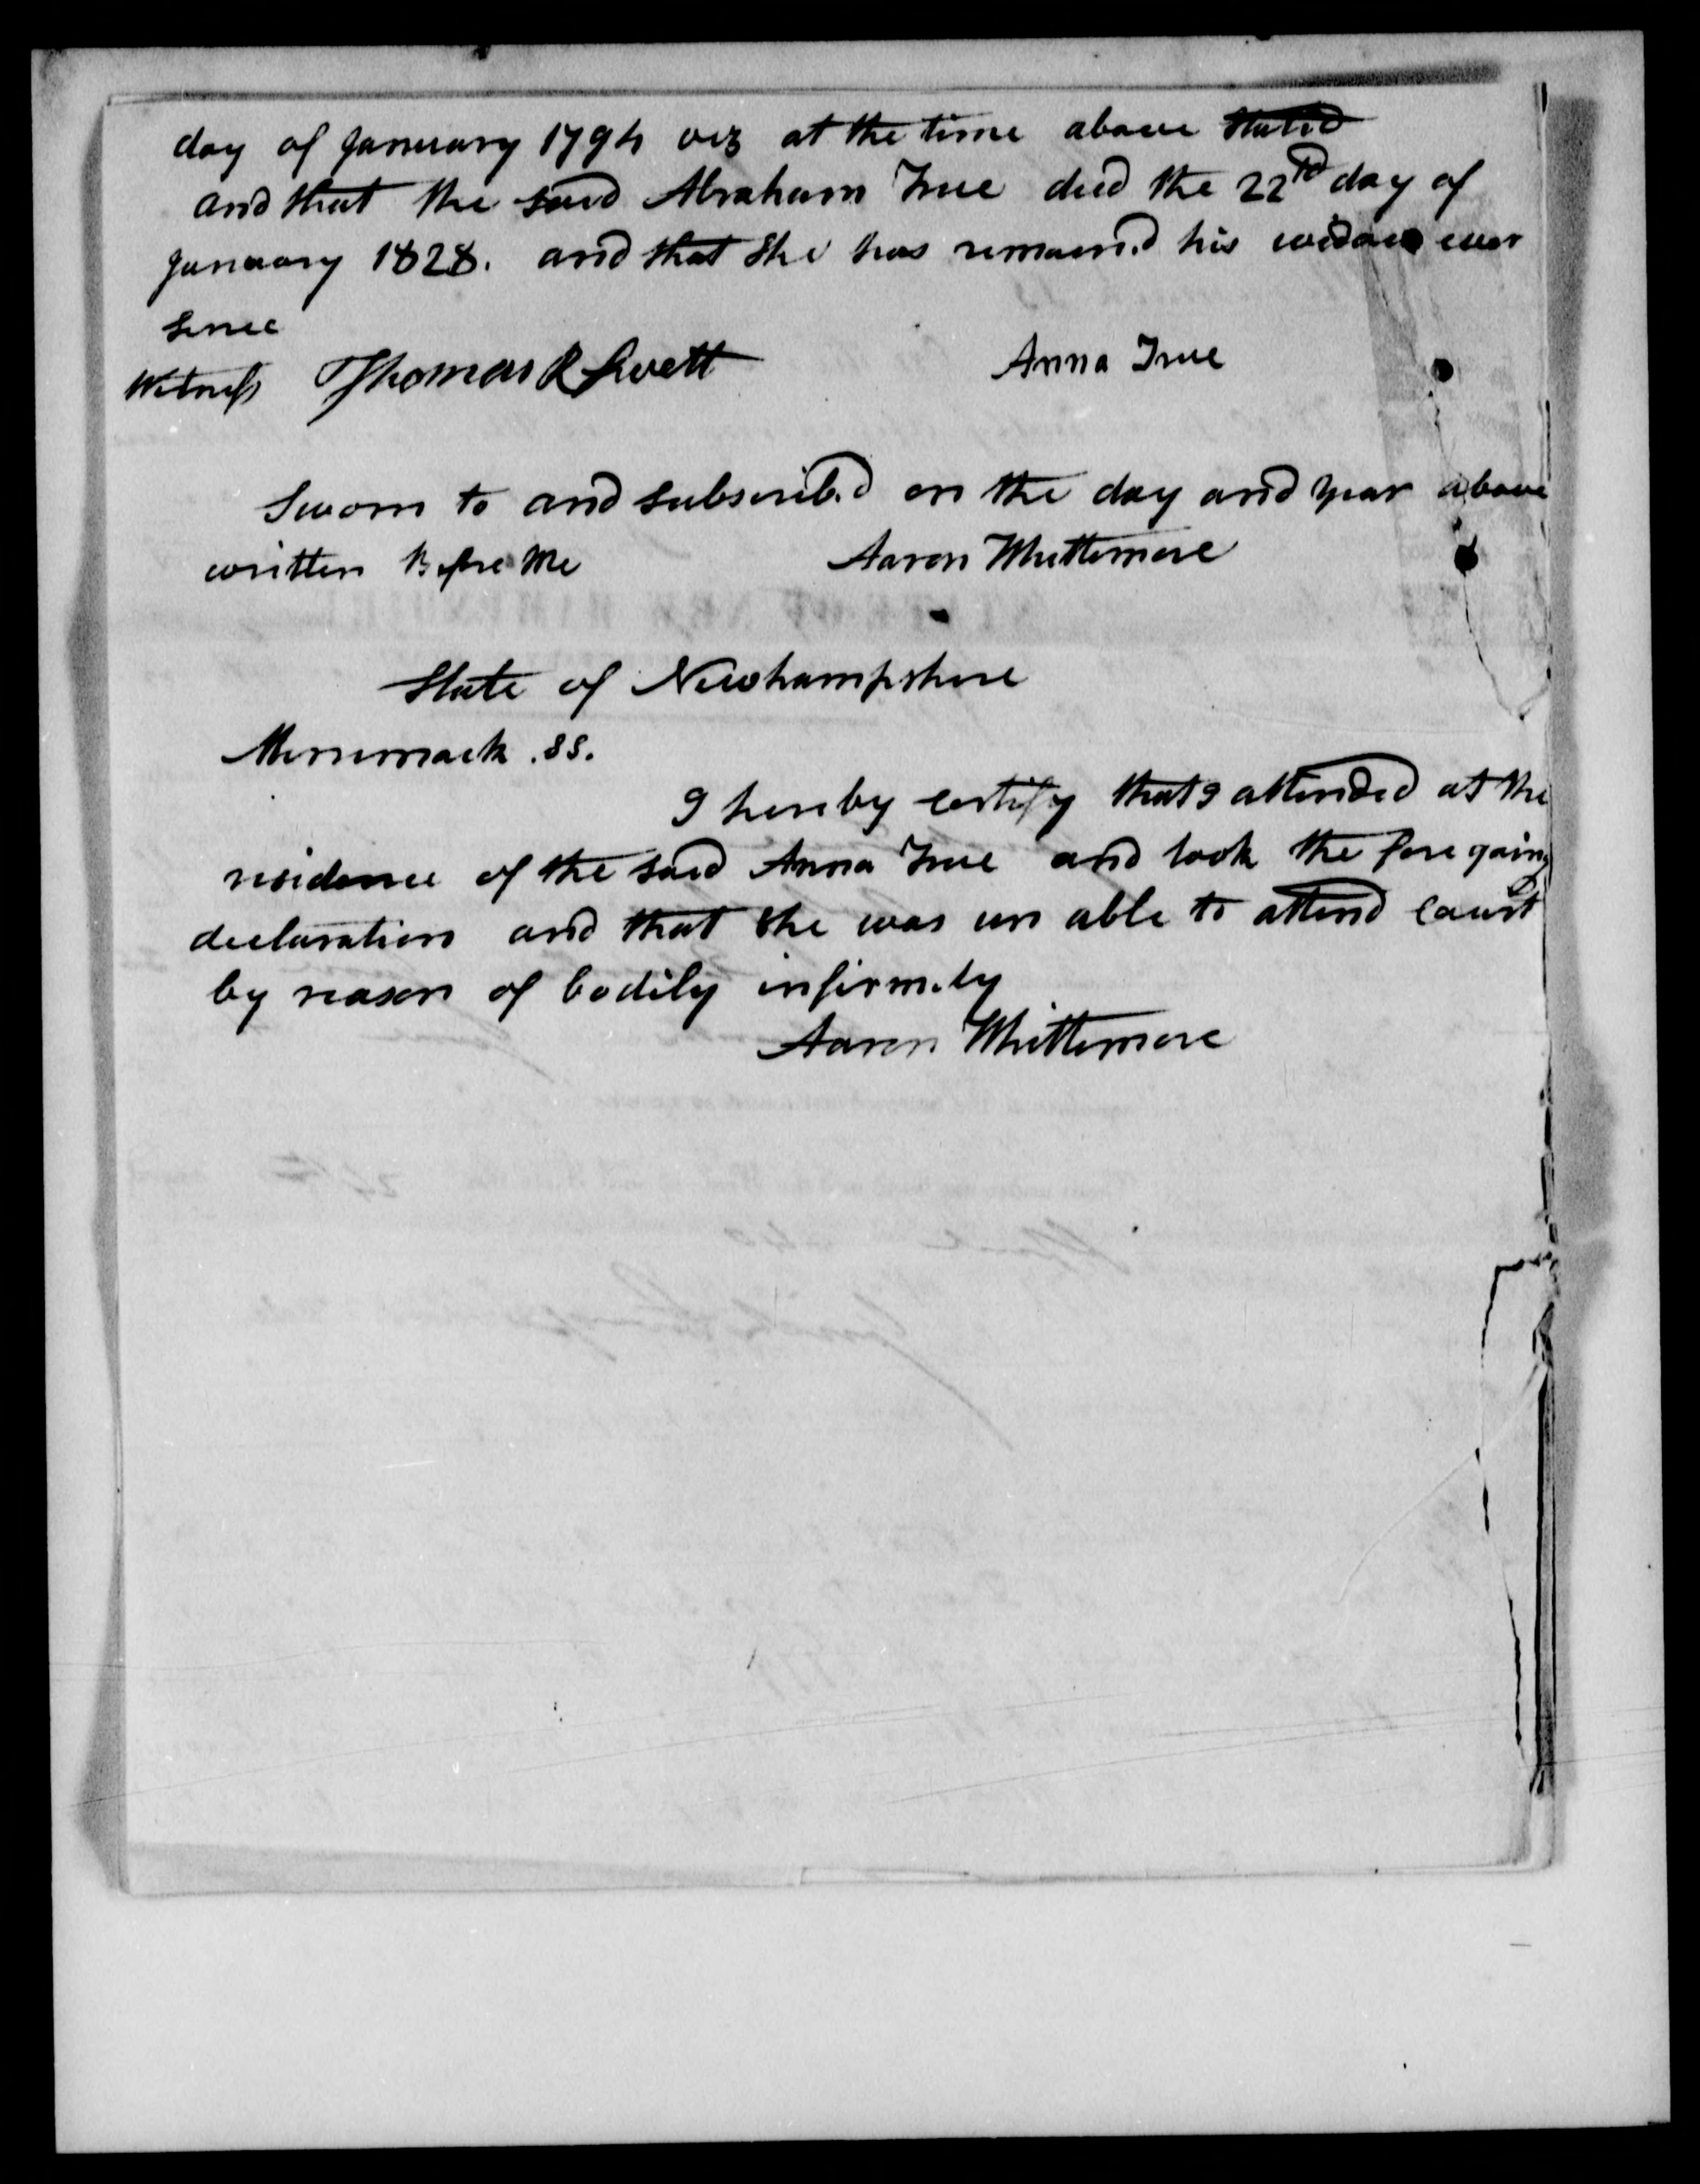day of January 1794 was at the time above and that the said Abraham True died the 22nd day of January 1828. and that she has remained his widow ever since.
Witness Thomas L Lovett    Anna True

Sworn to and subscribed on the day and year above written before me    Aaron Whittemore

State of New Hampshire

Monmouth Ss

I hereby certify that I attended at the residence of the said Anna True and took the fore going dictation and that she was unable to attend caused  by reason of bodily infirmity.
Aaron Whittemore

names: Anna True, Thomas R Swett, Aaron Whittemore, Abraham True, Aaron Whittemore, Anna True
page: 5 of 24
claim: widow's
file: W. 16,451, Abraham True, N.H.